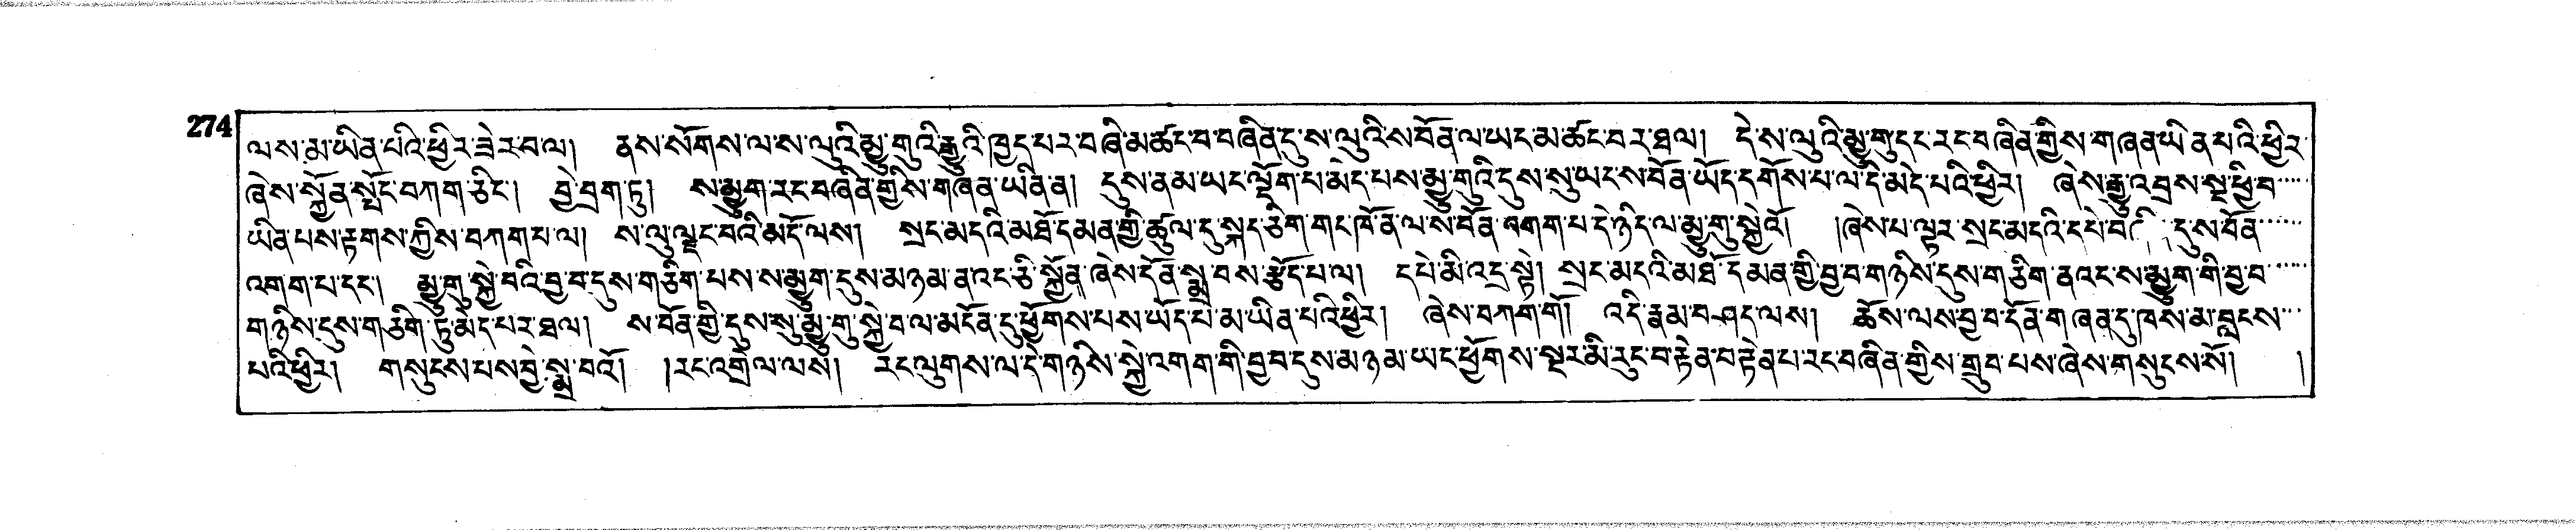ལས་མ་ཡིན་པའི་ཕྱིར་ཟེར་བ་ལ། ནས་སོགས་ལ་ས་ལུའི་མྱུ་གུའི་རྒྱུའི་ཁྱད་པར་བཞི་མ་ཚང་བ་བཞིན་དུ་ས་ལུའི་ས་བོན་ལ་ཡང་མ་ཚང་བར་ཐལ། དེ་ས་ལུའི་མྱུ་གུ་དང་རང་བཞིན་གྱིས་གཞན་ཡིན་པའི་ཕྱིར་
ཞེས་སྐྱོན་སྤོང་བཀག་ཅིང་། བྱེ་བྲག་ཏུ། ས་མྱུག་རང་བཞིན་གྱིས་གཞན་ཡིན་ན། དུས་ནམ་ཡང་ལྡོག་པ་མེད་པས་མྱུ་གུའི་དུས་སུ་ཡང་ས་བོན་ཡོད་དགོས་པ་ལ་དེ་མེད་པའི་ཕྱིར། ཞེས་རྒྱུ་འབྲས་སྔ་ཕྱི་བ་
ཡིན་པས་རྟགས་ཀྱིས་བཀག་པ་ལ། ས་ལུ་ལྗང་བའི་མདོ་ལས། སྲང་མདའི་མཐོ་དམན་གྱི་ཚུལ་དུ་སྐད་ཅིག་གང་ཁོ་ན་ལ་ས་བོན་འགག་པ་དེ་ཉིད་ལ་མྱུ་གུ་སྐྱེའོ། །ཞེས་པ་ལྟར་སྲང་མདའི་དཔེ་བཞིན་དུ་ས་བོན་
འགག་པ་དང་། མྱུ་གུ་སྐྱེ་བའི་བྱ་བ་དུས་གཅིག་པས་ས་མྱུག་དུས་མཉམ་ནའང་ཅི་སྐྱོན་ཞེས་དོན་སྨྲ་བས་རྩོད་པ་ལ། དཔེ་མི་འདྲ་སྟེ། སྲང་མདའི་མཐོ་དམན་གྱི་བྱ་བ་གཉིས་དུས་གཅིག་ནའང་ས་མྱུག་གི་བྱ་བ་
གཉིས་དུས་གཅིག་ཏུ་མེད་པར་ཐལ། ས་བོན་གྱི་དུས་སུ་མྱུ་གུ་སྐྱེ་བ་ལ་མངོན་དུ་ཕྱོགས་པས་ཡོད་པ་མ་ཡིན་པའི་ཕྱིར། ཞེས་བཀག་གོ །འདི་རྣམ་བཤད་ལས། ཆོས་ལས་བྱ་བ་དོན་གཞན་དུ་ཁས་མ་བླངས་
པའི་ཕྱིར། གསུངས་པས་བྱེ་སྨྲ་བའོ། །རང་འགྲེལ་ལས། རང་ལུགས་ལ་དེ་གཉིས་སྐྱེ་འགག་གི་བྱ་བ་དུས་མཉམ་ཡང་ཕྱོགས་སྔར་མི་རུང་བ་རྟེན་བརྟེན་པ་རང་བཞིན་གྱིས་གྲུབ་པས་ཞེས་གསུངས་སོ། །